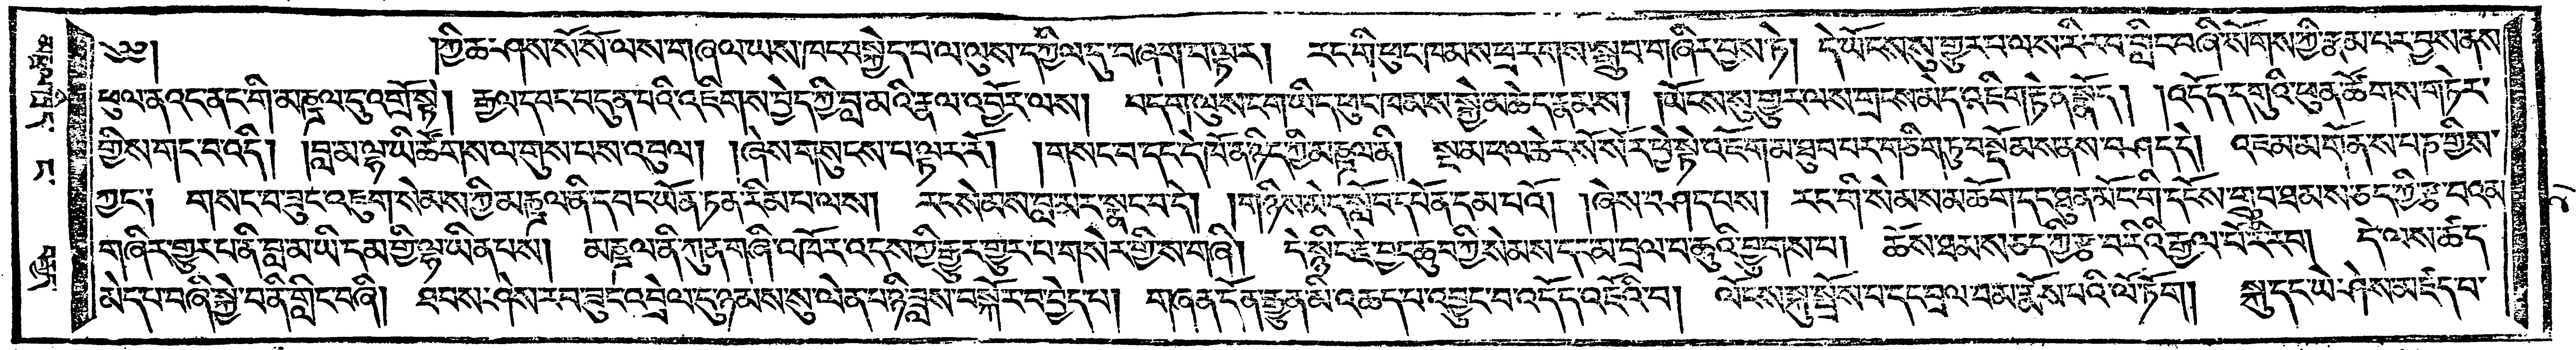༄༅། །ཀྱི་ཆ་ཤས་སོ་སོ་ལས་གཞལ་ཡས་ཁང་བསྐྱེད་པ་ལ་ལུས་དཀྱིལ་དུ་བཞག་པ་ལྟར། རང་གི་ཕུར་ཁམས་ཕྲ་རགས་སྒྲུབ་གཞིར་བྱས་ཏེ། དེ་ཡོངས་སུ་གྱུར་བ་ལས་རི་རབ་གླིང་བཞི་སོགས་ཀྱི་རྣམ་པར་བྱས་ནས་
ཕུལ་ནའང་ནང་གི་མཎྜལ་དུ་འགྲོ་སྟེ། རྒྱལ་དབང་བདུན་པའི་འཇིགས་བྱེད་ཀྱི་བླ་མའི་རྣལ་འབྱོར་ལས། བདག་ལུས་ངག་ཡིད་ཕུང་ཁམས་སྐྱེ་མཆེད་རྣམས། །ཡོངས་སུ་གྱུར་ལས་གྲངས་མེད་འཇིག་རྟེན་སྣོད། །འདོད་དགུའི་ཕུན་ཚོགས་གཏེར་
གྱིས་གང་བ་འདི། །བླ་མ་ལྷ་ཡི་ཚོགས་ལ་གུས་པས་འབུལ། །ཞེས་གསུངས་པ་ལྟར་རོ། །གསང་བ་དང་དེ་ཁོ་ན་ཉིད་ཀྱི་མཎྜལ་ནི། སྔ་མ་ཕལ་ཆེར་སོ་སོར་ཕྱེ་སྟེ་འཇོག་མ་ཐུབ་བར་གཅིག་ཏུ་བསྡོམས་ནས་བཤད་དེ། འཇམ་མགོན་ས་པཎ་གྱིས་
ཀྱང༑ གསང་བ་ཟུང་འཇུག་སེམས་ཀྱི་མཎྜལ་ནི་དབང་ཡོན་ཏན་རིམ་པ་ལས། རང་སེམས་བླ་མར་སྣང་བ་དེ། །གཉིས་མེད་སློབ་དཔོན་དམ་པའོ། །ཞེས་བཤད་པས། རང་གི་སེམས་མཆོག་དང་ཐུན་མོང་གི་དངོས་གྲུབ་ཐམས་ཅད་ཀྱི་རྩ་བའམ་
གཞིར་གྱུར་པ་ནི་བླ་མ་ཡི་དམ་གྱི་ལྷ་ཡིན་པས། མཎྜལ་ནི་ཀུན་གཞི་འཁོར་འདས་ཀྱི་རྒྱུར་གྱུར་པ་གསེར་གྱི་ས་གཞི། དེ་སྙིང་རྗེ་བྱང་ཆུབ་ཀྱི་སེམས་དང་མ་བྲལ་བ་ཆུའི་བྱུགས་པ། ཆོས་ཐམས་ཅད་ཀྱི་རྩ་བ་རིའི་རྒྱལ་པོར་རབ། དེ་ལས་ཚད་
མེད་པ་བཞི་སྐྱེ་བ་ནི་གླིང་བཞི། ཐབས་ཤེས་རབ་ཟུང་འབྲེལ་དུ་ཉམས་སུ་ལེན་པ་ཉི་ཟླས་བསྐོར་བ་བྱེད་པ། གཞན་དོན་རྒྱུན་མི་འཆད་པ་འབྱུང་བ་འདོད་འཇོའི་བ། ལོངས་སྐུ་སྤྲོས་པ་དང་བྲལ་བམ་རྨོས་བའི་ལོ་ཏོག། སྐུ་དང་ཡེ་ཤེས་མཛད་པ་